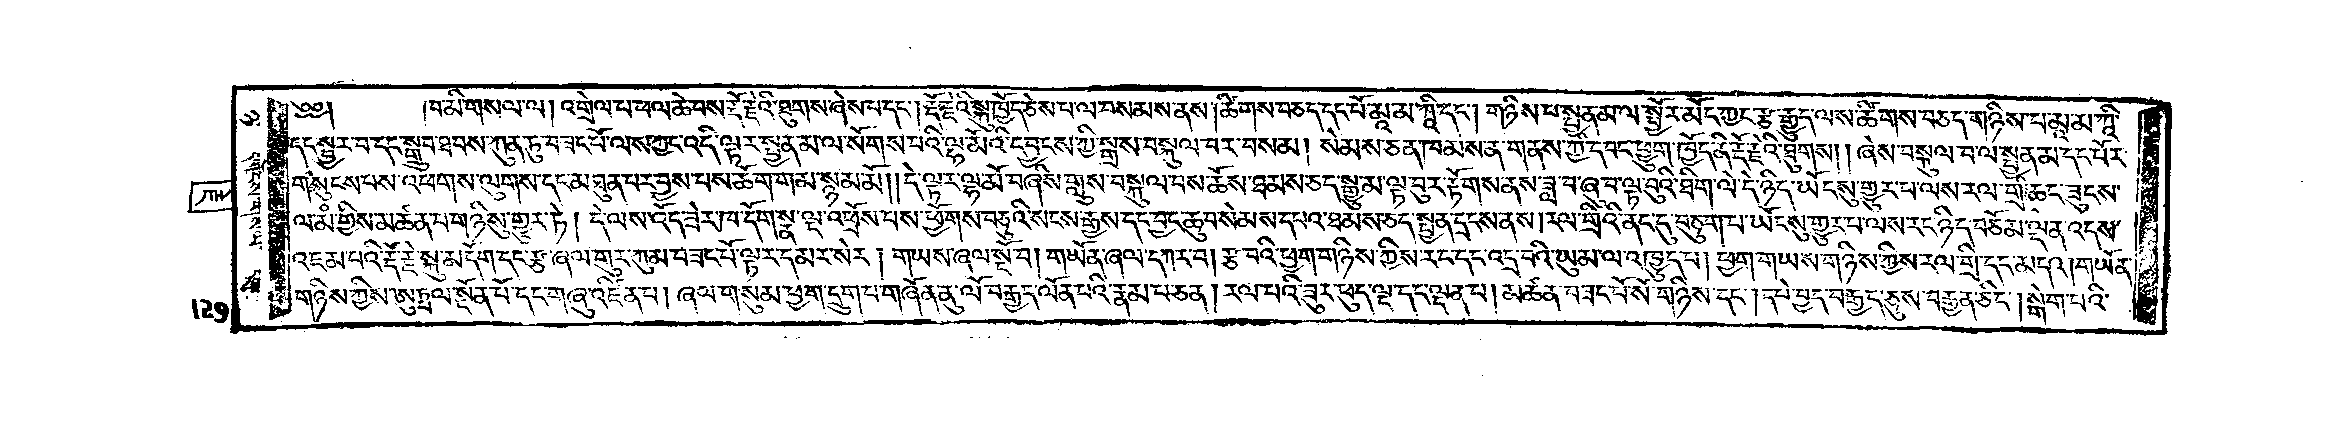༄༅། །བ་མི་གསལ་ལ། འགྲེལ་པ་ཕལ་ཆེ་བས་རྡོ་རྗེའི་ཐུགས་ཞེས་པ་དང་། རྡོ་རྗེའི་སྐུ་ཁྱོད་ཅེས་པ་ལ་བསམས་ནས། ཚིགས་བཅད་དང་པོ་མཱ་མ་ཀཱི་དང་། གཉིས་པ་སྤྱན་མ་ལ་སྦྱོར་མོད་ཀྱང་རྩ་རྒྱུད་ལས་ཚིགས་བཅད་གཉིས་པ་མཱ་མ་ཀཱི་
དང་སྦྱར་བ་དང་སྒྲུབ་ཐབས་ཀུན་ཏུ་བཟང་པོ་ལས་ཀྱང་འདི་ལྟར་སྤྱན་མ་ལ་སོགས་པའི་ལྷ་མོའི་དབྱངས་ཀྱི་སྒྲས་བསྐུལ་བར་བསམ། སེམས་ཅན་ཁམས་ན་གནས་ཀྱི་དབང་ཕྱུག་ཁྱོད་ནི་རྡོ་རྗེའི་ཐུགས། །ཞེས་བསྐུལ་བ་ལ་སྤྱན་མ་དང་པོར་
གསུངས་པས་འཕགས་ལུགས་དང་མཐུན་པར་བྱས་པས་ཆོག་གམ་སྙམ་མོ། །དེ་ལྟར་ལྷ་མོ་བཞིས་གླུས་བསྐུལ་བས་ཆོས་ཐམས་ཅད་སྒྱུ་མ་ལྟ་བུར་རྟོགས་ནས་ཟླ་བ་ཞུ་བ་ལྟ་བུའི་ཐིག་ལེ་དེ་ཉིད་ཡོངས་སུ་གྱུར་པ་ལས་རལ་གྲིའི་ཆང་ཟུངས་
ལ་མཾ་གྱིས་མཚན་པ་གཉིས་སུ་གྱུར་ཏེ། དེ་ལས་འོད་ཟེར་ཁ་དོག་སྣ་ལྔ་འཕྲོས་པས་ཕྱོགས་བཅུའི་སངས་རྒྱས་དང་བྱང་ཆུབ་སེམས་དཔའ་ཐམས་ཅད་སྤྱན་དྲངས་ནས། རལ་གྲིའི་ནང་དུ་བཅུག་པ་ཡོངས་སུ་གྱུར་པ་ལས་རང་ཉིད་བཅོམ་ལྡན་འདས་
འཇམ་པའི་རྡོ་རྗེ་སྐུ་མདོག་དང་རྩ་ཞལ་གུར་ཀུམ་བཟང་པོ་ལྟར་དམར་སེར། གཡས་ཞལ་སྔོ་བ། གཡོན་ཞལ་དཀར་བ། རྩ་བའི་ཕྱག་གཉིས་ཀྱིས་རང་དང་འདྲ་བའི་ཡུམ་ལ་འཁྱུད་པ། ཕྱག་གཡས་གཉིས་ཀྱིས་རལ་གྲི་དང་མདའ། གཡོན་
གཉིས་ཀྱིས་ཨུཏྤལ་སྔོན་པོ་དང་གཞུ་འཛིན་པ། ཞལ་གསུམ་ཕྱག་དྲུག་པ་གཞོན་ནུ་ལོ་བརྒྱད་ལོན་པའི་རྣམ་པ་ཅན། རལ་པའི་ཟུར་ཕུད་ལྔ་དང་ལྡན་པ། མཚན་བཟང་པོ་སོ་གཉིས་དང་། དཔེ་བྱད་བརྒྱད་ཅུས་བརྒྱན་ཅིང་། སྒེག་པའི་